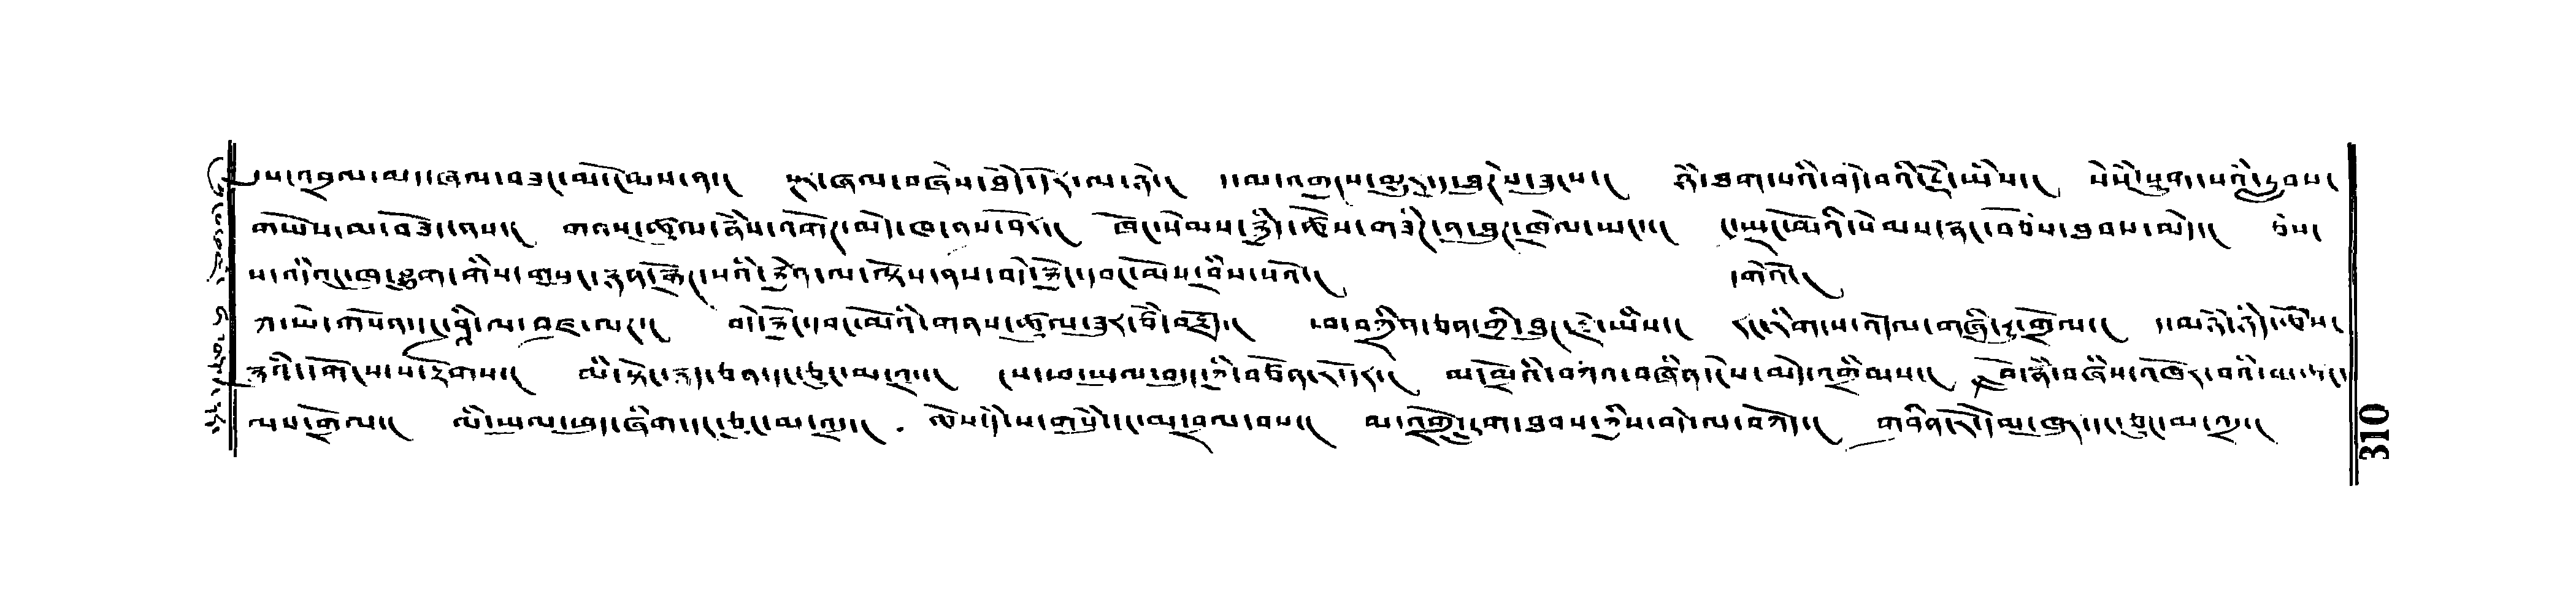།དུས་འབྲལ་མེད་ཞལ་བཟང་མ་ངོམས་ན། །སྔར་ཞལ་བཞེས་ཐམས་ཅད་དོར་ལ་ཉེ། །ད་མ་འགྱངས་མྱུར་དུ་ཐུགས་རྗེས་ཟུངས། །ཉམ་ཐག་པའི་བདེ་བའི་རྡོ་རྗེ་ཡིས། །སེམས་སྡུག་པའི་རླབས་
གཡོས་མ་བཟོད་ནས། །གནས་ཚུལ་རྣམས་འགོག་མེད་ཁ་ནས་ཤོར། ཁོང་སེམས་སྐྱིད་ཚོས་གཟིགས་ན་ཐུགས་ཁྲེལ་ཡང་། །ང་སྤྲང་མོའི་སེམས་སྣང་བཅོས་ཐབས་མེད། ཅེས་
པ་འདིའང་ཁུ་བྱུག་གིས་གསུང་སྙན་སྒྲགས་པའི་རྐྱེན་ལ་ལྟོས་ནས་བདེ་སྐྱོང་དབང་མོས་བྲིས་པའོ།། དགེའོ།། 
ཀ་ཡེ་གསོན་དང་ཤཱི་ལ་བཛྲ་ལགས། །བདེ་སྐྱོང་དབང་མོའི་གནས་ཚུལ་ཟུར་ཙམ་བརྗོད། །ཕ་བཀའ་དྲིན་ཅན་གྱི་ཐུགས་རྗེ་ཡིས། །རང་རིག་པ་འོད་གསལ་གཞི་རུ་གྲོལ། །ད་མཉམ་ཉིད་ཆོས་
སྐུའི་དགོངས་པ་རྟོགས། །མི་སྟོང་སྐད་ཅན་དང་ཅུང་མ་འདྲ། །ངས་ཕ་ཡུལ་བདུད་ཀྱི་བཙོན་ར་དོར། །མ་མཁའ་འགྲོའི་བཀའ་བཞིན་ངེས་མེད་འགྲིམས། །བློ་རྣམ་བཞིས་འཁོར་བའི་མཚང་
ལས་གྲོལ། །མི་ཡུལ་ཕུད་ཞིག་དང་ཅུང་མ་འདྲ། །ཆོས་དམ་པ་གསུམ་དང་མ་བྲལ་བས། །མ་འགྲོ་དྲུག་ཐབས་ཀྱི་བདེ་ལ་བཀོད། །གཤིན་རོ་དོམ་ཁུར་དང་ཅུང་མ་འདྲ།